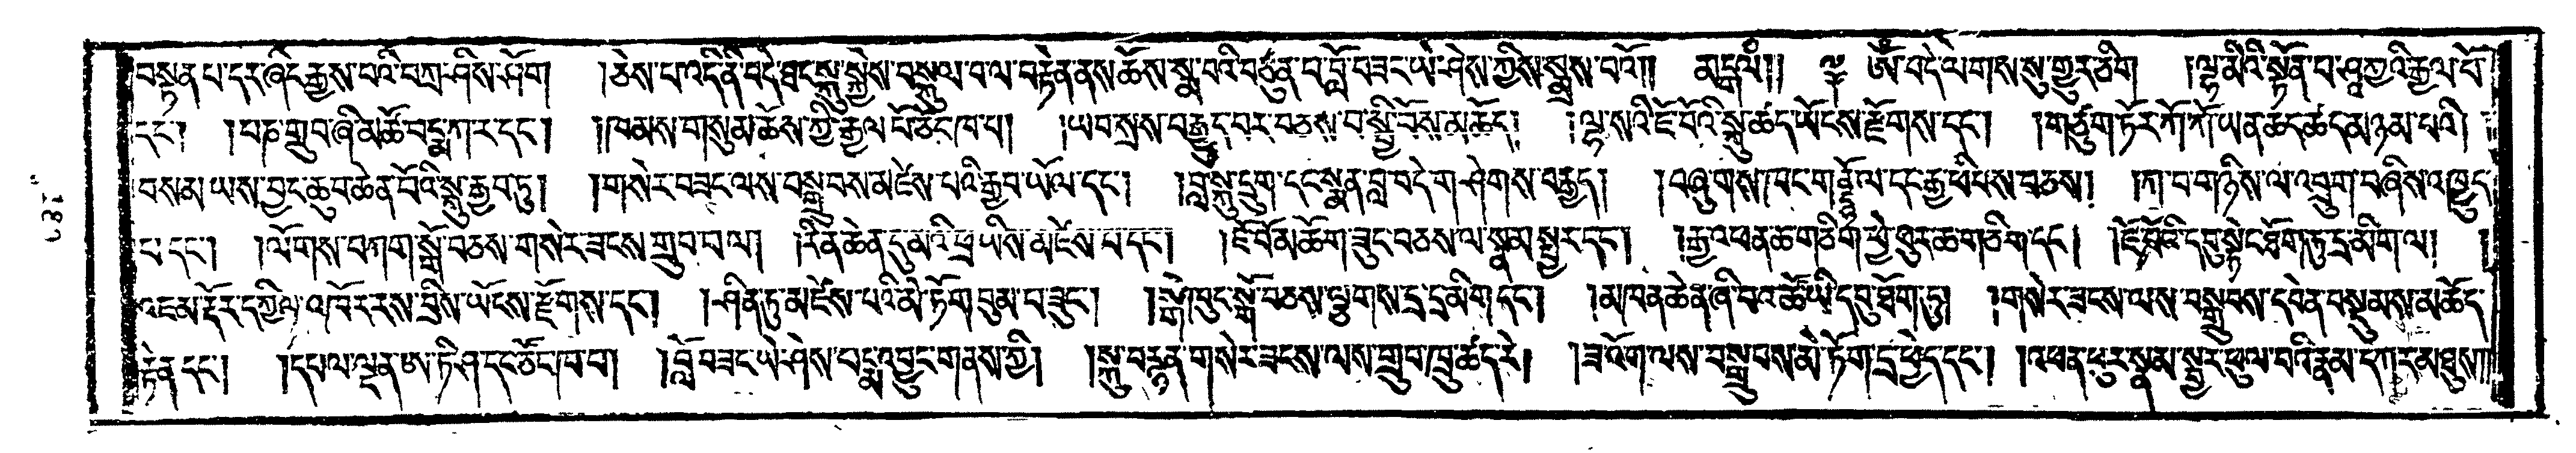བསྟན་པ་དར་ཞིང་རྒྱས་པའི་བཀྲ་ཤིས་ཤོག །ཅེས་པ་འདི་ནི་བདེ་ཐང་སྐུ་སྐྱེས་བསྐུལ་བ་ལ་བརྟེན་ནས་ཆོས་སྨ་བའི་བཙུན་བ་བློ་བཟང་ཡེ་ཤེས་ཀྱིས་སྨྲས་པའོ།། མངྒལཾ།། ༈ ཨོཾ་བདེ་ལེགས་སུ་གྱུར་ཅིག །ལྷ་མིའི་སྟོན་པ་ཤཱཀྱའི་རྒྱལ་པོ་
དང་། །པཎ་གྲུབ་ཞི་མཚོ་པདམ་ཀ་ར་དང་། །ཁམས་གསུམ་ཆོས་ཀྱི་རྒྱལ་པོ་ཙོང་ཁང་པ། །ཡབ་སྲས་བརྒྱུད་བར་བཅས་བ་སྤྱི་བོས་མཆོད། །ལྷ་སའི་ཇོ་བོའི་སྐུ་ཚད་ཡོངས་རྫོགས་དང་། །གཙུག་ཏོར་ཀོ་ཀོ་ཡན་ཆད་ཚད་མཉམ་པའི། །
བསམ་ཡས་བྱང་ཆུབ་ཆེན་པོའི་སྐུ་རྒྱབ་ཏུ། །གསེར་བཟང་ལས་བསྒྲུབས་མཛེས་པའི་རྒྱབ་ཡོལ་དང་། །བླ་སྐུ་དྲུག་དང་སྨན་བླ་བདེ་གཤེགས་བརྒྱད། །བཞུགས་ཁང་གནྡྷོ་ལ་དང་རྒྱ་ཕིབས་བཅས། ཝ།ཀ་བ་གཉིས་ལ་འབྲུག་བཞིས་འཁྱུད་
པ་དང་། །ལོགས་བཀག་སྒོ་བཅས་གསེར་ཟངས་གྲུབ་བ་ལ། །རིན་ཆེན་དུ་མའི་ཕྲ་ཡིས་མཛེས་པ་དང་། །ཇོ་བོ་མཆོག་ཟུང་བཅས་ལ་སྣམ་སྦྱར་དང་། །རྒྱལ་འཕན་ཆ་གཅིག་ཕྱེ་ཕུར་ཆ་གཅིག་དང་། །ཇོ་བོའི་དབུ་སྟེང་ཐོག་ཏུ་དྲ་མིག་ལ། །
འཇམ་རྡོར་དཀྱིལ་འཁོར་རས་བྲིས་ཡོངས་རྫོགས་དང་། །ཤིན་ཏུ་མཛེས་པའི་མེ་ཏོག་བུམ་པ་ཟུང་། །སྒེ་ཁུང་སྒོ་བཅས་ལྕགས་དྲ་དྲ་མིག་དང་། །མཁན་ཆེན་ཞི་བ་འཚོ་ཡི་དབུ་ཐོག་ཏུ། །གསེར་ཟངས་ལས་བསྒྲུབས་དབེན་བསྡུམས་མཆོད་
རྟེན་དང་། །དཔལ་ལྡན་ཨ་ཏི་ཤ་དང་ཙོང་ཁ་བ། །བློ་བཟང་ཡེ་ཤེས་པདམ་འབྱུང་གནས་ཀྱི། །སྐུ་བརྙན་གསེར་ཟངས་ལས་གྲུབ་ཁྲུ་ཚད་རེ། །ཟ་འོག་ལས་བསྒྲུབས་མེ་ཏོག་དྲ་ཕྱེད་དང་། །འཕན་ཕུར་སྣམ་སྦྱར་ཕུལ་བའི་རྣམ་དཀར་མཐུས།